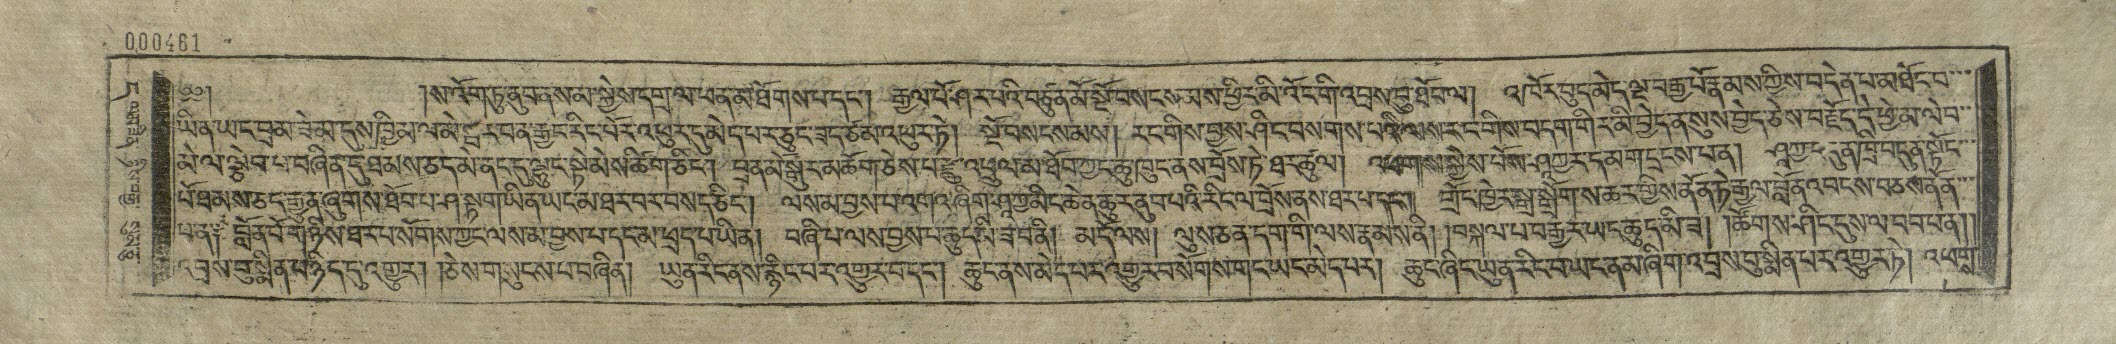༄༅། །ས་འོག་ཏུ་ནུབ་ནས་མ་སྐྱེས་དགྲ་ལ་ཕན་མ་ཐོགས་པ་དང་། རྒྱལ་པོ་ཤར་པའི་བཙུན་མོ་སྔོ་བསངས་མས་ཕྱིར་མི་འོང་གི་འབྲས་བུ་ཐོབ་ལ། འཁོར་བུད་མེད་ལྔ་བརྒྱ་པོ་རྣམས་ཀྱིས་བདེན་པ་མཐོང་བ་
ཡིན་ཡང་བྲམ་ཟེ་མ་དུས་ཁྱིམ་ལ་མེ་སྦར་བ་ན་རྒྱང་རིང་པོར་འཕུར་དུ་མེད་པར་ཅུང་ཟད་ཙམ་འཕུར་ཏེ། སྔོ་བསངས་མས། རང་གིས་བྱས་ཤིང་བསགས་པའི་ལས་རང་གིས་བདག་གིར་མི་བྱེད་ན་སུས་བྱེད་ཅེས་བརྗོད་དེ་ཕྱེ་མ་ལེ་བ་?
མེ་ལ་ལྕེབ་པ་བཞིན་དུ་ཐམས་ཅད་མེ་ནང་དུ་ལྷུང་སྟེ་མེས་ཚིག་ཅིང་། བྲན་མོ་སྒུར་མཆོག་ཅེས་པ་རྫུ་འཕྲུལ་མ་ཐོབ་ཀྱང་ཆུ་ཁུང་ནས་བྲོས་ཏེ་ཐར་ཚུལ། འཕགས་སྐྱེས་པོས་ཤཱཀྱར་དམག་དྲངས་པ་ན། ཤཱཀྱ་བདུན་ཁྲི་བདུན་སྟོང་
པོ་ཐམས་ཅད་རྒྱུན་ཞུགས་ཐོབ་པ་ཤ་སྟག་ཡིན་ཡང་མ་ཐར་བར་བསད་ཅིང་། ལས་མ་བྱས་པ་འགའ་ཞིག་ཤཱཀྱ་མིང་ཆེན་ཆུར་ནུབ་པའི་རིང་ལ་བྲོས་ནས་ཐར་པ་དང་། གྲོང་ཁྱེར་སྒྲ་སྒྲོག་ས་ཆར་གྱིས་ནོན་ཏེ་རྒྱལ་བློན་འབངས་བཅས་ནོན་
པ་ན༑ བློན་པོ་གཉིས་ཐར་པ་སོགས་ཀྱང་ལས་མ་བྱས་པ་དང་མ་ཕྲད་པ་ཡིན། བཞི་པ་ལས་བྱས་པ་ཆུད་མི་ཟ་བ་ནི། མདོ་ལས། ལུས་ཅན་དག་གི་ལས་རྣམས་ནི། །བསྐལ་པ་བརྒྱར་ཡང་ཆུད་མི་ཟ། །ཚོགས་ཤིང་དུས་ལ་བབ་པ་ན། །
འབྲས་བུ་སྨིན་པ་ཉིད་དུ་འགྱུར། །ཅེས་གསུངས་པ་བཞིན། ཡུན་རིང་ནས་རྙིང་པར་འགྱུར་བ་དང་། ཆུང་ནས་མེད་པར་འགྱུར་བ་སོགས་གང་ཡང་མེད་པར། ཆུང་ཞིང་ཡུན་རིང་བ་ཡང་ནམ་ཞིག་འབྲས་བུ་སྨིན་པར་འགྱུར་ཏེ། འཕགས་